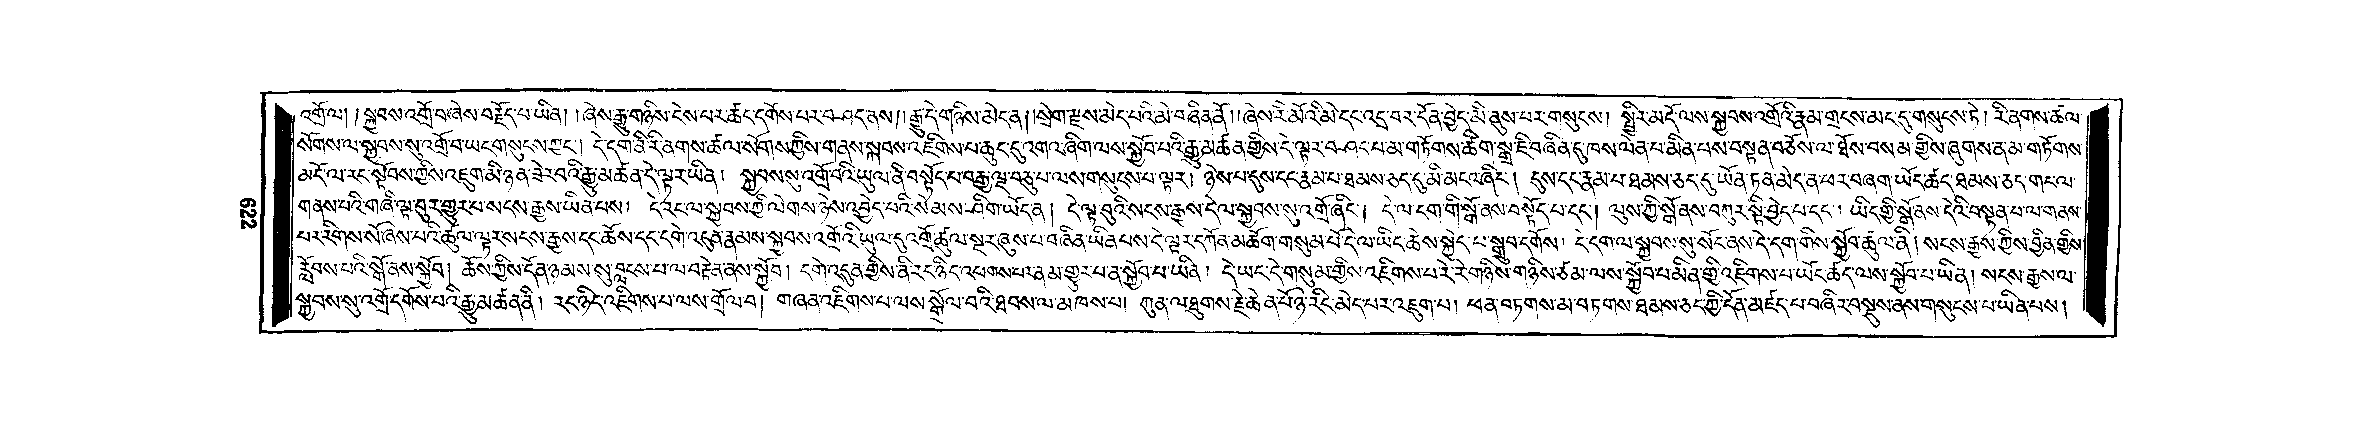འགྲོ་ལ། །སྐྱབས་འགྲོ་བ་ཞེས་བརྗོད་པ་ཡིན། །ཞེས་རྒྱུ་གཉིས་ངེས་པར་ཚང་དགོས་པར་བཤད་ནས། །རྒྱུ་དེ་གཉིས་མེད་ན། །སྲེག་རྫས་མེད་པའི་མེ་བཞིན་ནོ། །ཞེས་རི་མོའི་མེ་དང་འདྲ་བར་དོན་བྱེད་མི་ནུས་པར་གསུངས། སྤྱིར་མདོ་ལས་སྐྱབས་འགྲོའི་རྣམ་གྲངས་མང་དུ་གསུངས་ཏེ། རི་ནགས་ཚལ་
སོགས་ལ་སྐྱབས་སུ་འགྲོ་བ་ཡང་གསུངས་ཀྱང་། དེ་དག་ནི་རི་ནགས་ཚལ་སོགས་ཀྱིས་གནས་སྐབས་འཇིགས་པ་ཆུང་དུ་འགའ་ཞིག་ལས་སྐྱོབ་པའི་རྒྱུ་མཚན་གྱིས་དེ་ལྟར་བཤད་པ་མ་གཏོགས་ཚིག་སྒྲ་ཇི་བཞིན་དུ་ཁས་ལེན་པ་མིན་པས་བསྟན་བཅོས་ལ་ཐོས་བསམ་གྱིས་ཞུགས་ན་མ་གཏོགས་
མདོ་ལ་རང་སྟོབས་ཀྱིས་འཇུག་མི་ཉན་ཟེར་བའི་རྒྱུ་མཚན་དེ་ལྟར་ཡིན། སྐྱབས་སུ་འགྲོ་བའི་ཡུལ་ནི་བསྟོད་པ་བརྒྱ་ལྔ་བཅུ་པ་ལས་གསུངས་པ་ལྟར། ཉེས་པ་དུས་དང་རྣམ་པ་ཐམས་ཅད་དུ་མི་མངའ་ཞིང་། དུས་དང་རྣམ་པ་ཐམས་ཅད་དུ་ཡོན་ཏན་མེད་ན་ཕར་བཞག་ཡོད་ཚད་ཐམས་ཅད་གང་ལ་
གནས་པའི་གཞི་ལྟ་བུར་གྱུར་པ་སངས་རྒྱས་ཡིན་པས། དེ་རང་ལ་སྐྱབས་ཀྱི་ལེགས་ཉེས་འབྱེད་པའི་སེམས་ཤིག་ཡོད་ན། དེ་ལྟ་བུའི་སངས་རྒྱས་དེ་ལ་སྐྱབས་སུ་འགྲོ་ཞིང་། དེ་ལ་ངག་གི་སྒོ་ནས་བསྟོད་པ་དང་། ལུས་ཀྱི་སྒོ་ནས་བཀུར་སྟི་བྱེད་པ་དང་། ཡིད་ཀྱི་སྒོ་ནས་དེའི་བསྟན་པ་ལ་གནས་
པར་རིགས་སོ་ཞེས་པའི་ཚུལ་ལྟར་སངས་རྒྱས་དང་ཆོས་དང་དགེ་འདུན་རྣམས་སྐྱབས་འགྲོའི་ཡུལ་དུ་འགྲོ་ཚུལ་སྔར་ཞུས་པ་བཞིན་ཡིན་པས་དེ་ལྟར་དཀོན་མཆོག་གསུམ་པོ་དེ་ལ་ཡིད་ཆེས་སྐྱེད་པ་སྒྲུབ་དགོས། དེ་དག་ལ་སྐྱབས་སུ་སོང་ནས་དེ་དག་གིས་སྐྱོབ་ཚུལ་ནི། སངས་རྒྱས་ཀྱིས་བྱིན་གྱིས་
རློབས་པའི་སྒོ་ནས་སྐྱོབ། ཆོས་ཀྱིས་དོན་ཉམས་སུ་བླངས་པ་ལ་བརྟེན་ནས་སྐྱོབ། དགེ་འདུན་གྱིས་ནི་རང་ཉིད་འཕགས་པར་ནམ་གྱུར་པ་ན་སྐྱོབ་པ་ཡིན། དེ་ཡང་དེ་གསུམ་གྱིས་འཇིགས་པ་རེ་རེ་གཉིས་གཉིས་ཙམ་ལས་སྐྱོབ་པ་མིན་གྱི་འཇིགས་པ་ཡོད་ཚད་ལས་སྐྱོབ་པ་ཡིན། སངས་རྒྱས་ལ་
སྐྱབས་སུ་འགྲོ་དགོས་པའི་རྒྱུ་མཚན་ནི། རང་ཉིད་འཇིགས་པ་ལས་གྲོལ་བ། གཞན་འཇིགས་པ་ལས་སྒྲོལ་བའི་ཐབས་ལ་མཁས་པ། ཀུན་ལ་ཐུགས་རྗེ་ཆེན་པོ་ཉེ་རིང་མེད་པར་འཇུག་པ། ཕན་བཏགས་མ་བཏགས་ཐམས་ཅད་ཀྱི་དོན་མཛད་པ་བཞིར་བསྡུས་ནས་གསུངས་པ་ཡིན་པས།